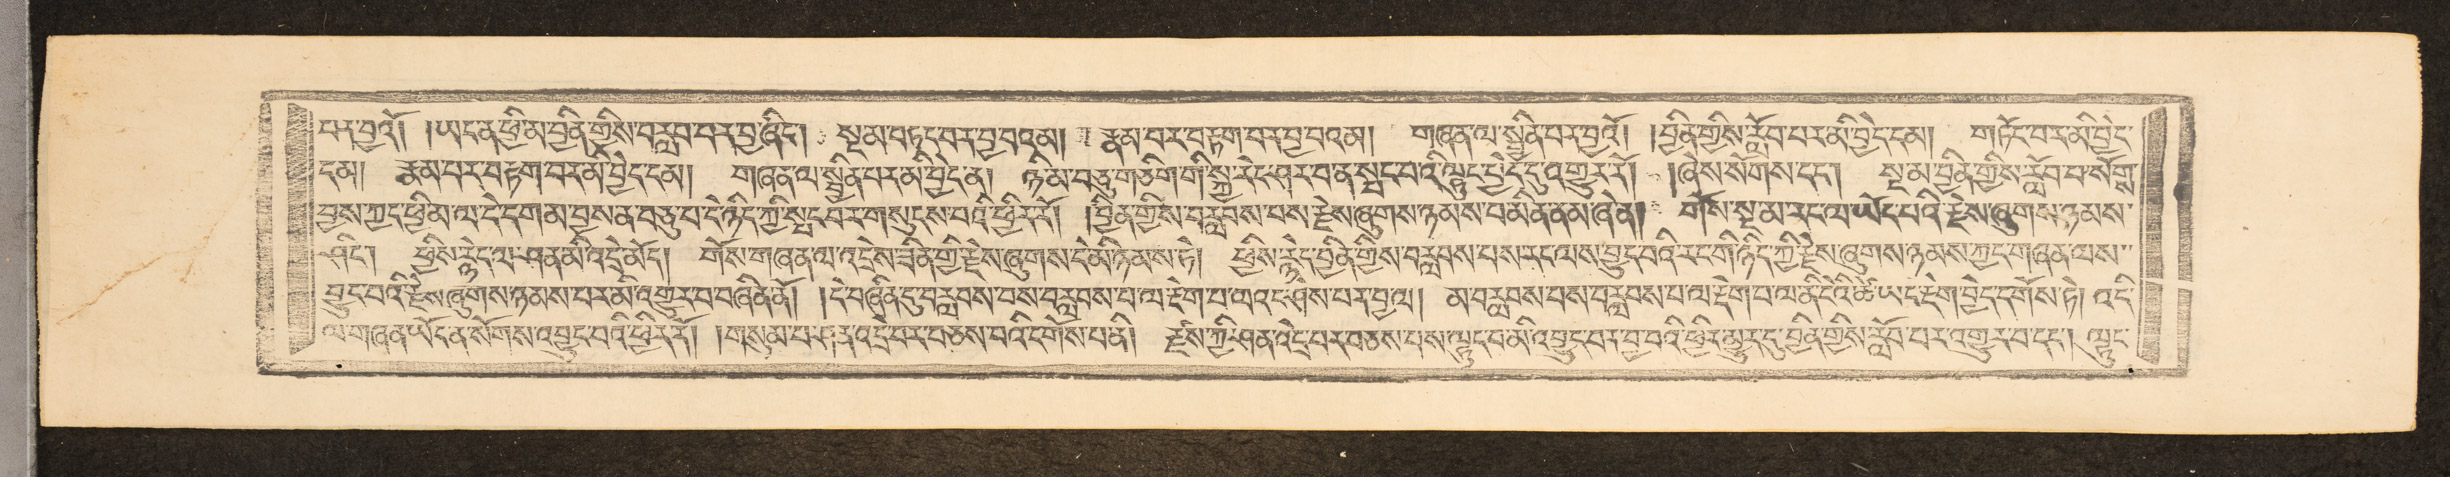པར་བྱའོ། །ཡང་ན་ཕྱི་མ་བྱིན་གྱིས་བརླབ་པར་བྱ་ཞིང་། སྔ་མ་བཏང་བར་བྱ་བའམ། རྣམ་པར་བརྟག་པར་བྱ་བའམ། གཞན་ལ་སྦྱིན་པར་བྱའོ། །བྱིན་གྱིས་རློབ་པར་མི་བྱེད་
དམ། གཏོང་བར་མི་བྱེད་དམ། རྣམ་པར་བརྟག་པར་མི་བྱེད་དམ། གཞན་ལ་སྦྱིན་པར་མི་བྱེད་ན། ཉི་མ་བཅུ་གཅིག་གི་སྐྱ་རེད་ཤར་བ་ན་སྤང་བའི་ལྟུང་བྱེད་དུ་འགྱུར་རོ། །ཞེས་སོགས་དང་། སྔ་མ་བྱིན་གྱིས་རློབ་པ་སོགས་
བྱས་ཀྱང་ཕྱི་མ་ལ་དེ་དག་མ་བྱས་ན་བཅུ་པ་དེ་ཉིད་ཀྱི་སྤང་བར་གསུངས་པའི་ཕྱིར་རོ། །བྱིན་གྱིས་བརླབས་པས་རྗེས་ཞུགས་ཉམས་པ་མིན་ནམ་ཞེ་ན། གོས་སྔ་མ་རང་ལ་ཡོད་པའི་རྗེས་ཞུགས་ཉམས་
ཤིང་། ཕྱིས་རྙེད་ལ་ཤན་མི་འདྲེ་མོད། གོས་གཞན་ལ་འདྲེས་ཟིན་གྱི་རྗེས་ཞུགས་དེ་མི་ཉམས་ཏེ། ཕྱིས་རྙེད་བྱིན་གྱིས་བརླབས་པས་རང་ལས་བྱུང་བའི་རང་གི་ཉིད་ཀྱི་རྗེས་ཞུགས་ཉམས་ཀྱང་གཞན་ལས་
བྱུང་བའི་རྗེས་ཞུགས་ཉམས་པར་མི་འགྱུར་བ་བཞིན་ནོ། །དེ་བཞིན་དུ་བརླབས་པས་བརླབས་པ་ལ་རྡེག་པ་ལའང་ཤེས་པར་བྱ་ལ། མ་བརླབས་པས་བརླབས་པ་ལ་རྡེག་པ་ལ་ནི་དེའི་ཚེ་ཡང་རྡེག་བྱེད་དགོས་ཏེ། འདི་
ལ་གཞན་ཡོད་ན་སོགས་འབྱུང་བའི་ཕྱིར་རོ། །གསུམ་པ་ཤན་འདྲེ་བར་བཅས་པའི་དགོས་པ་ནི། རྫས་ཀྱི་ཤན་འདྲེ་བར་བཅས་པས་ལྟུང་བ་མི་འབྱུང་བར་བྱ་བའི་ཕྱིར་མྱུར་དུ་བྱིན་གྱིས་རློབ་པར་འགྱུར་བ་དང་། ལྟུང་